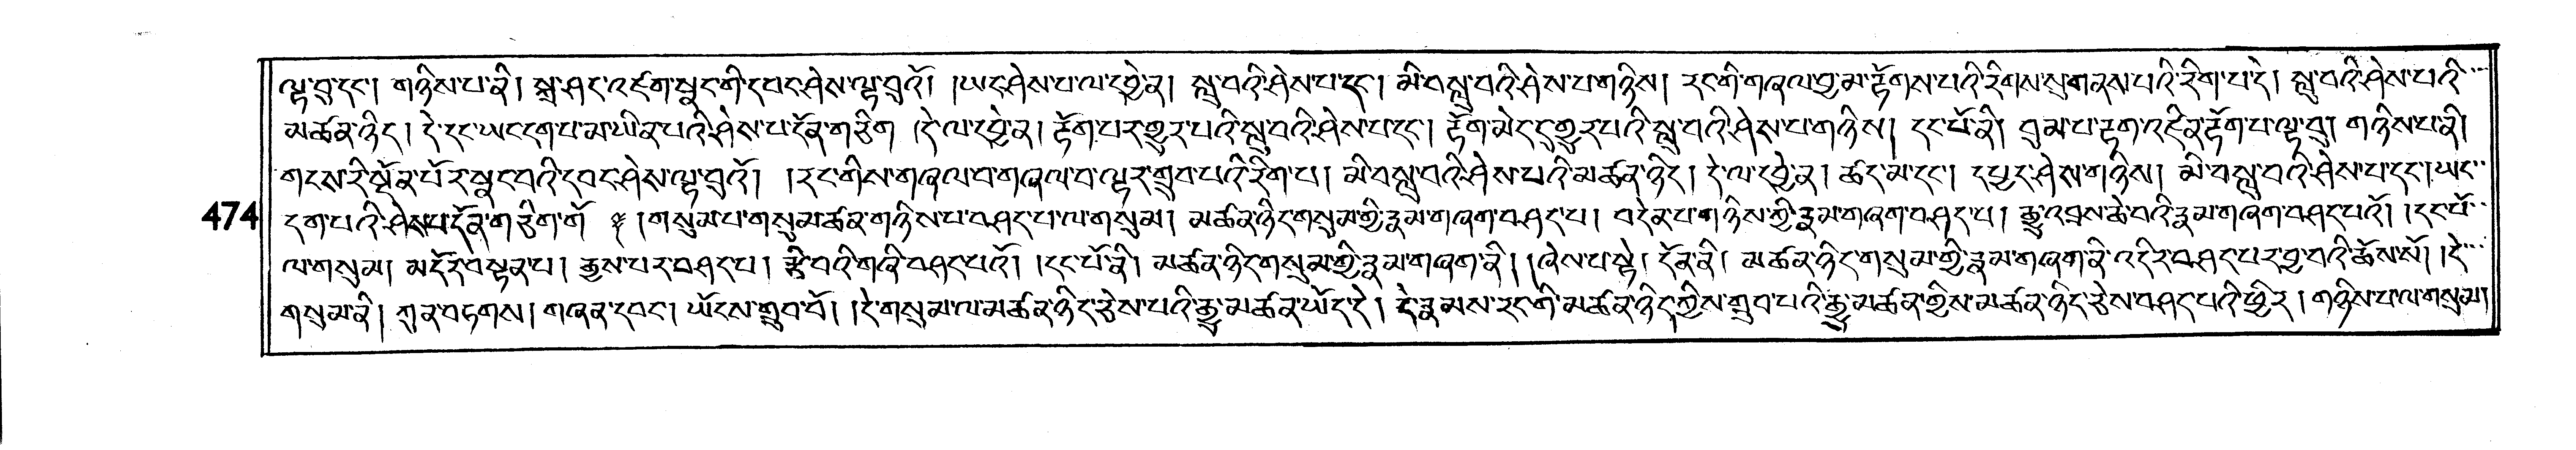ལྟ་བུ་དང་། གཉིས་པ་ནི། སྐྲ་ཤད་འཛག་སྣང་གི་དབང་ཤེས་ལྟ་བུའོ། །ཡང་ཤེས་པ་ལ་དབྱེ་ན། སླུ་བའི་ཤེས་པ་དང་། མི་བསླུ་བའི་ཤེས་པ་གཉིས། རང་གི་གཞལ་བྱ་མ་རྟོགས་པའི་རིགས་སུ་གནས་པའི་རིག་པ་དེ། སླུ་བའི་ཤེས་པའི་
མཚན་ཉིད། དེ་དང་ཡང་དག་པ་མ་ཡིན་པའི་ཤེས་པ་དོན་གཅིག །དེ་ལ་དབྱེ་ན། རྟོག་པར་གྱུར་པའི་སླུ་བའི་ཤེས་པ་དང་། རྟོག་མེད་དུ་གྱུར་པའི་སླུ་བའི་ཤེས་པ་གཉིས། དང་པོ་ནི། བུམ་པ་རྟག་འཛིན་རྟོག་པ་ལྟ་བུ། གཉིས་པ་ནི།
གངས་རི་སྔོན་པོར་སྣང་བའི་དབང་ཤེས་ལྟ་བུའོ། །རང་གིས་གཞལ་བ་གཞལ་བ་ལྟར་གྲུབ་པའི་རིག་པ། མི་བསླུ་བའི་ཤེས་པའི་མཚན་ཉིད། དེ་ལ་དབྱེ་ན། ཚད་མ་དང་། དཔྱར་ཤེས་གཉིས། མི་བསླུ་བའི་ཤེས་པ་དང་། ཡང་
དག་པའི་ཤེས་པ་དོན་གཅིག་གོ ༈ །གསུམ་པ་གསུམ་ཚན་གཉིས་པ་བཤད་པ་ལ་གསུམ། མཚནྙིད་གསུམ་གྱི་རྣམ་གཞག་བཤད་པ། བདེན་པ་གཉིས་ཀྱི་རྣམ་གཞག་བཤད་པ། རྒྱུ་འབྲས་ཆེ་བའི་རྣམ་གཞག་བཤད་པའོ། །དང་པོ་
ལ་གསུམ། མདོར་བསྟན་པ། རྒྱས་པར་བཤད་པ། རྩི་བའི་གཞི་བཤད་པའོ། །དང་པོ་ནི། མཚན་ཉིད་གསུམ་གྱི་རྣམ་གཞག་ནི། །ཞེས་པ་སྟེ། དོན་ནི། མཚན་ཉིད་གསུམ་གྱི་རྣམ་གཞག་ནི་འདིར་བཤད་པར་བྱ་བའི་ཆོས་སོ། །དེ་
གསུམ་ནི། ཀུན་བཏགས། གཞན་དབང་། ཡོངས་གྲུབ་བོ། །དེ་གསུམ་ལ་མཚན་ཉིད་ཅེས་པའི་རྒྱུ་མཚན་ཡོད་དེ། དེ་རྣམས་རང་གི་མཚན་ཉིད་ཀྱིས་གྲུབ་པའི་རྒྱུ་མཚན་གྱིས་མཚན་ཉིད་ཅེས་བཤད་པའི་ཕྱིར། གཉིས་པ་ལ་གསུམ།